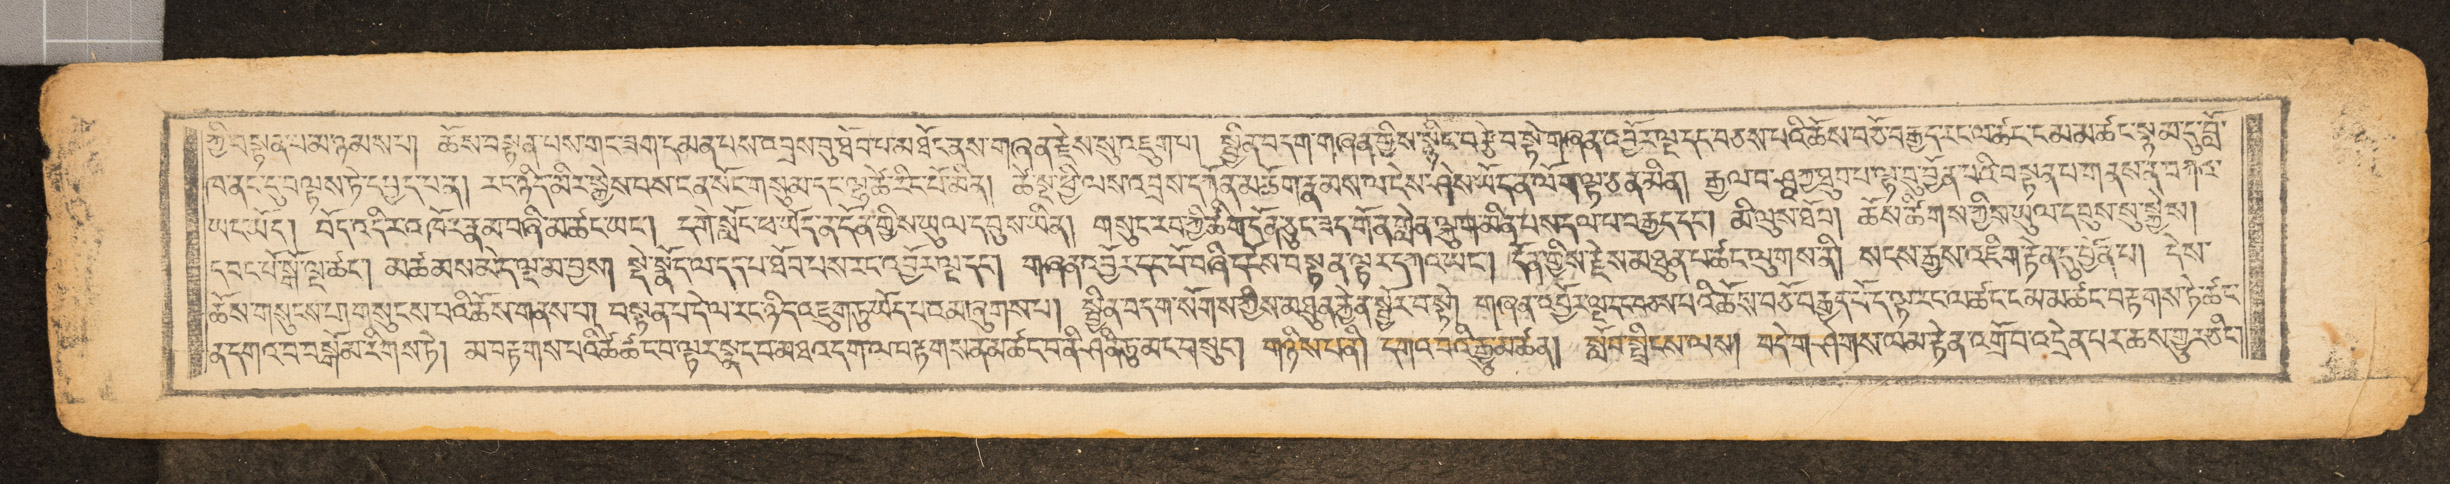ཀྱི་བསྟན་པ་མ་ཉམས་པ། ཆོས་བསྟན་པས་གང་ཟག་དམན་པས་འབྲས་བུ་ཐོབ་པ་མཐོང་ནས་གཞན་རྗེས་སུ་འཇུག་པ། སྦྱིན་བདག་གཞན་གྱིས་སྙིང་བརྩེ་བ་སྟེ་གཞན་འབྱོར་ལྔ་དང་བཅས་པའི་ཆོས་བཅོ་བརྒྱད་རང་ལ་ཚང་ངམ་མ་ཚང་སྙམ་དུ་བློ་
ཁ་ནང་དུ་བལྟས་ཏེ་དཔྱད་པ་ན། རང་ཉིད་མིར་སྐྱེས་པས་ངན་སོང་གསུམ་དང་ལྷ་ཚེ་རིང་པོ་མིན། ཚེ་སྔ་ཕྱི་ལས་འབྲས་དཀོན་མཆོག་རྣམས་ལ་ངེས་ཤེས་ཡོད་ན་ལོག་ལྟ་ཅན་མིན། རྒྱལ་བ་ཤཱཀྱ་ཐུབ་པ་ལྟ་བུ་བྱོན་པའི་བསྟན་པ་གནས་ན་བཀའ་
ཡང་ཡོད། བོད་འདིར་འཁོར་རྣམ་བཞི་མ་ཚང་ཡང་། དགེ་སློང་ཕ་ཡོད་ན་དོན་གྱིས་ཡུལ་དབུས་ཡིན། གསུང་རབ་ཀྱི་ཚིག་དོན་ཅུང་ཟད་གོ་ན་གླེན་ལྐུག་མིན་པས་དལ་པ་བརྒྱད་དང་། མི་ལུས་ཐོབ། ཆོས་ཚིགས་ཀྱིས་ཡུལ་དབུས་སུ་སྐྱེས།
དབང་པོ་སྒོ་ལྔ་ཚང་། མཚམས་མེད་ལྔ་མ་བྱས། སྡེ་སྣོད་ལ་དད་པ་ཐོབ་པས་རང་འབྱོར་ལྔ་དང་། གཞན་འབྱོར་དང་པོ་བཞི་དངོས་བསྟན་ལྟར་དཀའ་ཡང་། དོན་གྱིས་རྗེས་མཐུན་པ་ཚང་ལུགས་ནི། སངས་རྒྱས་འཇིག་རྟེན་དུ་བྱོན་པ། དེས་
ཆོས་གསུངས་པ། གསུངས་པའི་ཆོས་གནས་པ། བསྟན་པ་དེ་ལ་རང་ཉིད་འཇུག་ཏུ་ཡོད་པ་འམ་ཞུགས་པ། སྦྱིན་བདག་སོགས་ཀྱིས་མཐུན་རྐྱེན་སྦྱོར་བ་སྟེ། གཞན་འབྱོར་ལྔ་དང་བཅས་པའི་ཆོས་བཅོ་བརྒྱད་པོ་ད་ལྟ་རང་ལ་ཚང་ངམ་མ་ཚང་བརྟགས་ཏེ་ཚང་
ན་དགའ་བ་བསྒོམ་རིགས་ཏེ། མ་བརྟགས་པའི་ཚེ་ཚང་བ་ལྟར་སྣང་བ་མཐའ་དག་ལ་བརྟགས་ན་མ་ཚང་བ་ནི་ཤིན་ཏུ་མང་གསུང་། གཉིས་པ་ནི། དགའ་བའི་རྒྱུ་མཚན། སློབ་སྤྲིངས་ལས། བདེ་གཤེགས་ལམ་རྟེན་འགྲོ་བ་འདྲེན་པར་ཆས་གྱུར་ཅིང།།